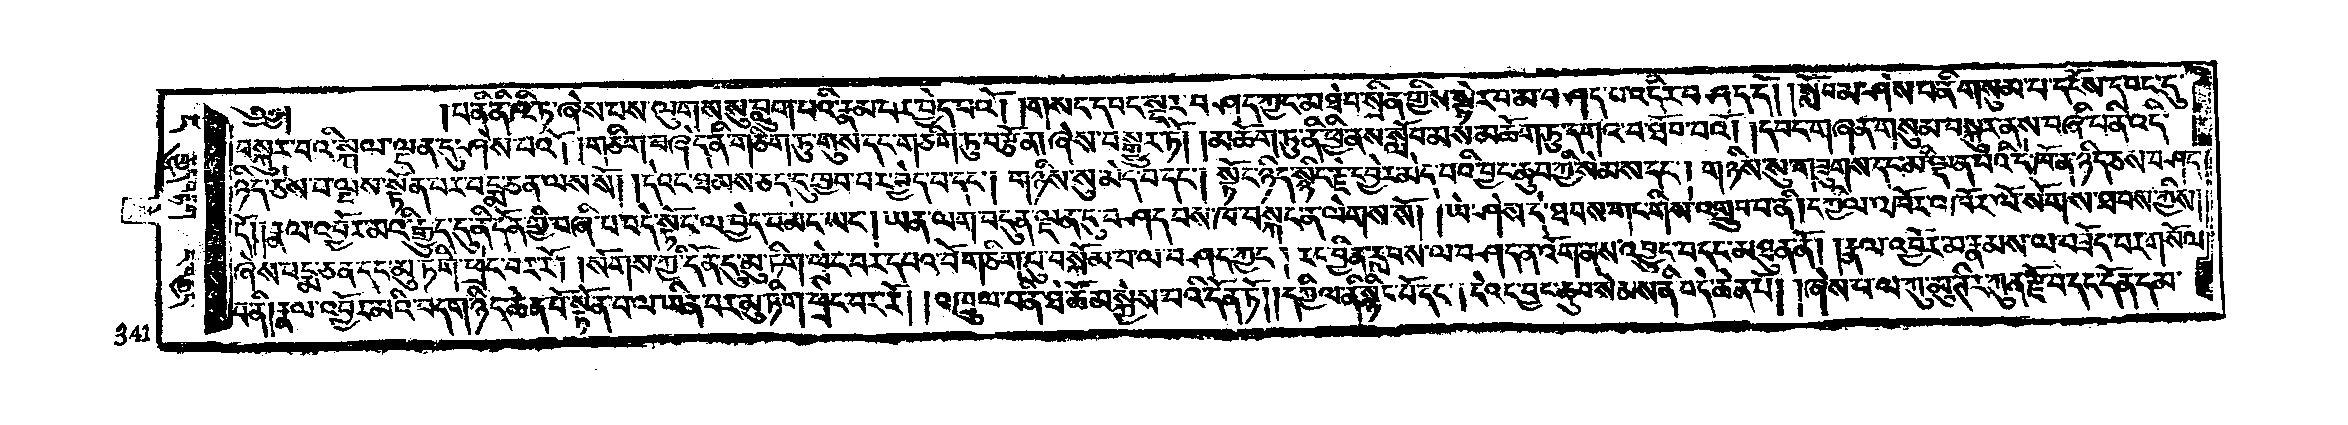༄༅། །པ་ནི་ནི་ཥི་ཊ་ཞེས་པས་ལུགས་སུ་བླུག་པའི་རྣམ་པར་བྱེད་པའོ། །གསང་དབང་སྔར་བཤད་ཀྱང་མཐེབ་སྲིན་གྱིས་སྟེར་བ་མ་བཤད་པ་འདིར་བཤད་དོ། །སློབ་མ་ཤེས་པ་ནི་གསུམ་པ་དངོས་དབང་དུ་
བསྐུར་བའི་སྐལ་ལྡན་དུ་ཤེས་པའོ། །གཅིག་བཞི་དེ་ནི་གཅིག་ཏུ་གུས་དང་གཅིག་ཏུ་བརྩོན། ཞེས་བསྒྱུར་ཏོ། །མཆོག་ཏུ་ནི་ཕྱི་ནས་སློབ་མས་མཆོག་ཏུ་དགའ་བ་ཐོབ་པའོ། །དབང་གཞན་གསུམ་བསྐུར་ནས་བཞི་པ་ནི་འདི་
ཉིད་ཅེས་པ་ལྔས་སྟོན་པར་པདམ་ཅན་ལས་སོ། །དེའང་ཐམས་ཅད་དུ་ཁྱབ་པར་བྱེད་པ་དང་། གཉིས་སུ་མེད་པ་དང་། སྟོང་ཉིད་སྙིང་རྗེ་དབྱེར་མེད་པའི་བྱང་ཆུབ་ཀྱི་སེམས་དང་། གཉིས་སུ་གཟུགས་དང་མི་ལྡན་པའི་དེ་ཁོ་ན་ཉིད་ཅས་བཤད་
དོ། །རྣལ་འབྱོར་མའི་རྒྱུད་དུ་ནི་དོན་གྱི་བཞི་པ་བདེ་སྟོང་ལ་བྱེད་པ་མང་ཡང་། ཡན་ལག་བདུན་ལྡན་དུ་བཤད་པས་ཁ་བསྐང་ན་ལེགས་སོ། །ཡེ་ཤེས་དེ་ཐབས་གང་གིས་འགྲུབ་པ་ནི། དཀྱིལ་འཁོར་འཁོར་ལོ་སོགས་ཐབས་ཀྱིས།
ཞེས་པདམ་ཅན་དང་མུ་ཏིག་ཕྲེང་བར་རོ། །སོགས་ཀྱི་དོན་དུ་མུ་ཏིག་ཕྲེང་བར་དཔའ་བོ་གཅིག་པུ་བསྒོམ་པ་ལ་བཤད་ཀྱང་། རང་བྱིན་རླབས་ལ་བཤད་ན་འོག་ནས་འབྱུང་བ་དང་མཐུན་ནོ། །རྣལ་འབྱོར་མ་རྣམས་ལ་བཟོད་པར་གསོལ་
བ་ནི། རྣལ་འབྱོར་མའི་བདག་ཉིད་ཆེན་པོ་སྟོན་པ་ལ་ཡིན་པར་མུ་ཏིག་ཕྲེང་བར་རོ། །འཁྲུལ་པ་ནི་ཐེ་ཚོམ་སྐྱེས་པའི་དོན་ཏོ། །དཀྱིལ་ནི་སྙིང་པོ་དང་། དེའང་བྱང་ཆུབ་སེམས་ནི་བདེ་ཆེན་པོ། །ཞེས་པ་ལ་ཀུ་མུ་ཊིར་ཀུན་རྫོབ་དང་དོན་དམ་